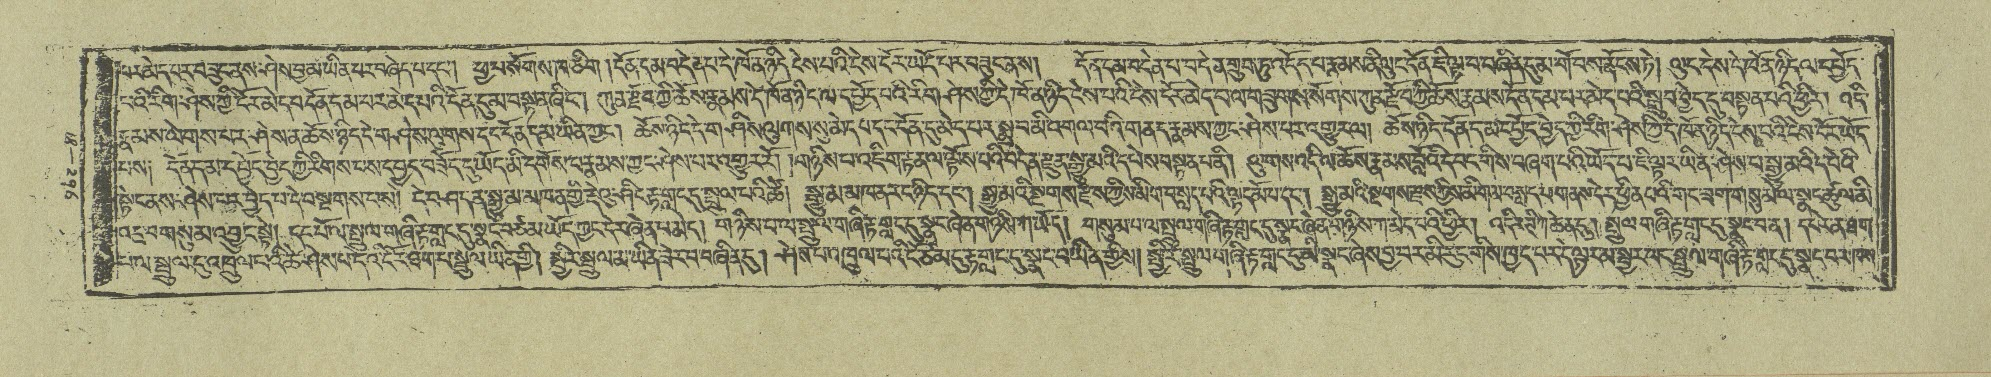བོར་མེད་པར་བཟུང་ནས་ཤེས་བྱ་མ་ཡིན་པར་བཞེད་པ་དང་། ཕྱ་བ་སོགས་ཁ་ཅིག །དོན་དམ་བདེན་པ་དེ་ཁོ་ན་ཉིད་ངེས་པའི་ངེས་ངོར་ཡོད་པར་བཟུང་ནས། དོན་དམ་བདེན་པ་བདེན་གྲུབ་ཏུ་འདོད་པ་རྣམས་ནི་ལུང་དོན་ཇི་ལྟ་བ་བཞིན་དུ་མ་གོ་བས་ནོངས་ཏེ། ལུང་དེས་དེ་ཁོ་ན་ཉིད་ལ་དཔྱོད་
པའི་རིག་ཤེས་ཀྱི་ངོར་མེད་པ་དོན་དམ་པར་མེད་པའི་དོན་དུ་མ་བསྟན་ཞིང་། ཀུན་རྫོབ་ཀྱི་ཆོས་རྣམས་དེ་ཁོ་ན་ཉིད་ལ་དཔྱོད་པའི་རིག་ཤེས་ཀྱི་དེ་ཁོ་ན་ཉིད་ངེས་པའི་ངེས་ངོར་མེད་པ་ལ་གཟུགས་སོགས་ཀུན་རྫོབ་ཀྱི་ཆོས་རྣམས་དོན་དམ་པར་མེད་པའི་སྒྲུབ་བྱེད་དུ་བསྟན་པའི་ཕྱིར། འདི་
རྣམས་ལེགས་པར་ཤེས་ན་ཆོས་ཉིད་དེ་གཤེས་ལུགས་དང་དོན་དམ་ཡིན་ཀྱང་། ཆོས་ཉིད་དེ་གཤིས་ལུགས་སུ་མེད་པ་དང་དོན་དུ་མེད་པར་སྨྲ་བ་མི་འགལ་བའི་གནད་རྣམས་ཀྱང་ཤེས་པར་འགྱུར་ལ། ཆོས་ཉིད་དོན་དམ་དཔྱོད་བྱེད་ཀྱི་རིག་ཤེས་ཀྱི་དེ་ཁོ་ན་ཉིད་ངེས་པའི་ངེས་ངོར་ཡོད་
པས། དོན་དམ་དཔྱོད་བྱེད་ཀྱི་རིགས་པས་དཔྱད་བཟོད་དུ་ཡོད་མི་དགོས་པ་རྣམས་ཀྱང་ཤེས་པར་འགྱུར་རོ། །གཉིས་པ་འཇིག་རྟན་ལ་ལྟོས་པའི་བདེན་རྫུན་སྒྱུ་མའི་དཔེས་བསྟན་པ་ནི། ལུགས་འདི་ལ་ཆོས་རྣམས་བློའི་དབང་གིས་བཞག་པའི་ཡོད་པ་ཇི་ལྟར་ཡིན་ཤེས་པ་སྒྱུ་མའི་དཔེའི་
སྟེང་ནས་ཤེས་པར་བྱེད་པ་དེ་བསྔགས་པས། དེ་བཤད་ན་སྒྱུ་མ་མཁན་གྱི་རྡེའུ་ཤིང་རྟ་གླང་དུ་སྤྲུལ་པའི་ཚེ། སྒྱུ་མ་མཁན་རང་ཉིད་དང་། སྒྱུ་མའི་སྔགས་རྫས་ཀྱིས་མིག་བསླད་པའི་ལྟད་མོ་པ་དང་། སྒྱུ་མའི་སྔགས་རྫས་ཀྱིས་མིག་མ་བསླད་པ་གནས་དེར་ཕྱིན་པའི་གང་ཟག་གསུམ་ལ་སྣང་ཚུལ་མི་
འདྲ་བ་གསུམ་འབྱུང་སྟེ། དང་པོ་ལ་སྤྲུལ་གཞི་རྟ་གླང་དུ་སྣང་བ་ཙམ་ཡོད་ཀྱང་དེར་ཞེན་པ་མེད། གཉིས་པ་ལ་སྤྲུལ་གཞི་རྟ་གླང་དུ་སྣང་ཞེན་གཉིས་ཀ་ཡོད། གསུམ་པ་ལ་སྤྲུལ་གཞི་རྟ་གླང་དུ་སྣང་ཞེན་གཉིས་ཀ་མེད་པའི་ཕྱིར། འདིར་ཊིཀ་ཆེན་དུ། སྤྲུལ་གཞི་རྟ་གླང་དུ་སྣང་བ་ན། དཔེར་ན་ཐག་
པ་ལ་སྤྲུལ་དུ་འཁྲུལ་པའི་ཚེ་ཤེས་པ་དེའི་ངོར་ཐག་པ་སྤྲུལ་ཡིན་གྱི། སྤྱིར་སྤྲུལ་མ་ཡིན་ཟེར་བ་བཞིན་དུ། ཤེས་པ་འཁྲུལ་བའི་ངོ་ཙམ་དུ་རྟ་གླང་དུ་སྣང་བ་ཡིན་གྱིས། སྤྱིར་སྤྲུལ་གཞི་རྟ་གླང་དུ་མི་སྣང་ཞེས་བྱ་བར་མི་རུང་གིས་ཁྱད་པར་དེ་ལྟར་མ་སྦྱར་ཡང་སྤྲུལ་གཞི་རྟ་གླང་དུ་སྣང་བར་ཁས་